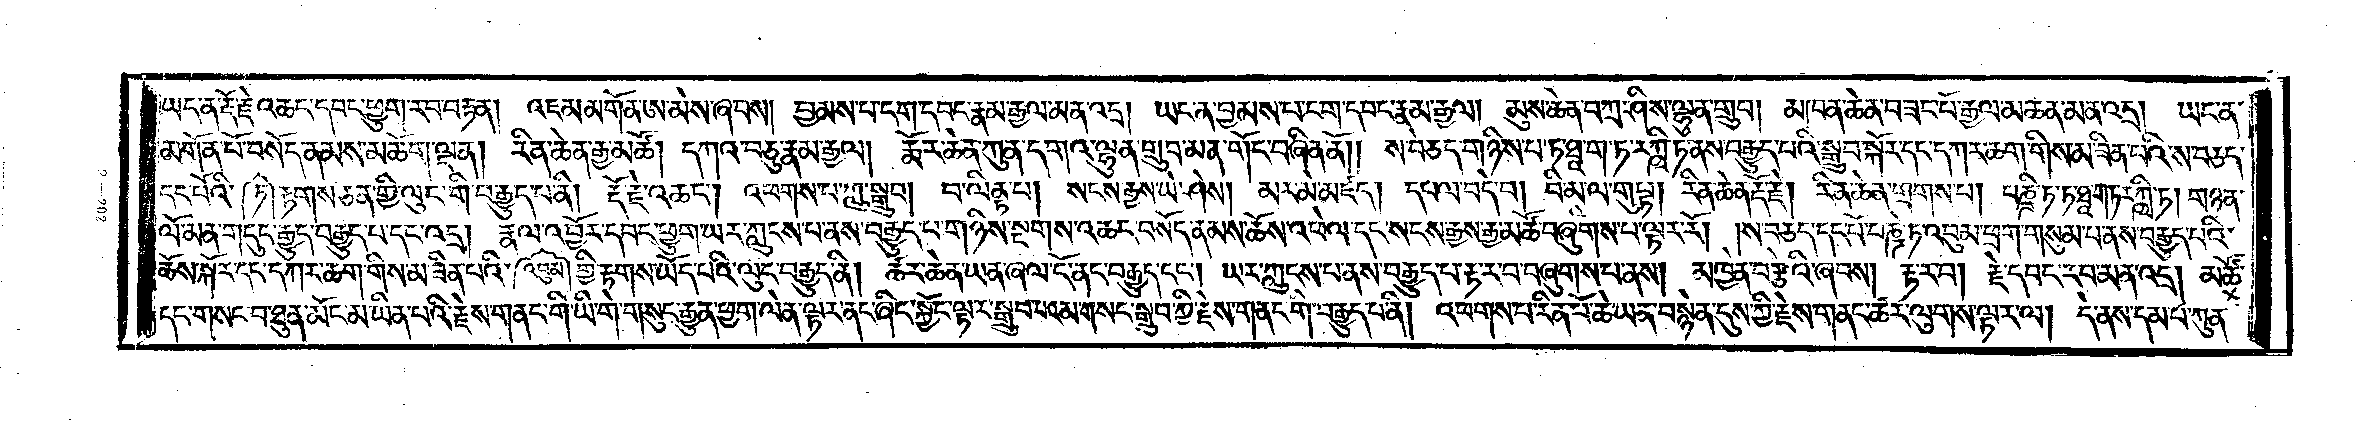ཡང་ན་རྡོ་རྗེ་འཆང་དབང་ཕྱུག་རབ་བརྟན། འཇམ་མགོན་ཨ་མེས་ཞབས། བྱམས་པ་ངག་དབང་རྣམ་རྒྱལ་མན་འདྲ། ཡང་ན་བྱམས་པ་ངག་དབང་རྣམ་རྒྱལ། མུས་ཆེན་བཀྲ་ཤིས་ལྷུན་གྲུབ། མཁན་ཆེན་བཟང་པོ་རྒྱལ་མཚན། མན་འདྲ། ཡང་ན་
མགོན་པོ་བསོད་ནམས་མཆོག་ལྡན། རིན་ཆེན་རྒྱ་མཚོ། དཀའ་བཅུ་རྣམ་རྒྱལ། རྨོར་ཆེན་ཀུན་དགའ་ལྷུན་གྲུབ་མན་གོང་བཞིན་ནོ། །ས་བཅད་གཉིས་པ་ཏ་ཐཱ་ག་ཏ་རཀྵི་ཏ་ནས་བརྒྱུད་པའི་སྒྲུབ་བསྐོར་དང་དཀར་ཆག་གིས་མ་ཟིན་པའི་ས་བཅད་
དང་པོའི ༼ཏ༽ རྟགས་ཅན་གྱི་ལུང་གི་བརྒྱུད་པ་ནི། རྡོ་རྗེ་འཆང་། འཕགས་པ་ཀླུ་སྒྲུབ། བ་ལིནྟ་པ། སངས་རྒས་ཡེ་ཤེས། མར་མེ་མཛད། དཔལ་བདེ་བ། བི་མ་ལ་གུཔྟ། རིན་ཆེན་རྡོ་རྗེ། རིན་ཆེན་གྲགས་པ། པཎྜི་ཏ་ཐཱ་ག་ཏ་རཀྵི་ཏ། གཉན་
ལོ་མན་གདུང་རྒྱུད་བརྒྱུད་པ་དང་འདྲ། རྣལ་འབྱོར་དབང་ཕྱུག་ཡར་ཀླུངས་པ་ནས་བརྒྱུད་པ་གཉིས་སྔགས་འཆང་བསོད་ནམས་ཆོས་འཕེལ་དང་སངས་རྒྱས་རྒྱ་མཚོ་བཞུགས་པ་ལྟར་རོ། །ས་བཅད་དང་པོ་པཎྜེ་ཏ་འབུམ་ཕྲག་གསུམ་པ་ནས་བརྒྱུད་པའི་
ཆོས་སྐོར་དང་དཀར་ཆག་གིས་མ་ཟིན་པའི ༼འབུམ༽ གྱི་རྟགས་ཡོད་པའི་ལུང་བརྒྱུད་ནི། ཚར་ཆེན་ཡན་ཞལ་དོ་ནང་བརྒྱུད་དང་། ཡར་ཀླུངས་པ་ནས་བརྒྱུད་པ་རྟ་རབ་བཞུགས་པ་ནས། མཁྱེན་བརྩེའི་ཞབས། རྟ་ར་བ། རྗེ་དབང་གྲབ་མན་འདྲ། མཚོ྾་
དང་གསང་བ་ཐུན་མོང་མ་ཡིན་པའི་རྗེས་གནང་གི་ཡི་གེ་གསུང་རྒྱུན་ཕྱག་ལེན་ལྟར་ནང་ཞིང་སྐྱོང་ལྟར་སྒྲུབ་པའམ་གསང་སྒྲུབ་ཀྱི་རྗེས་གནང་གི་བརྒྱུད་པ་ནི། འཕགས་པ་རིན་པོ་ཆེ་ཡན་བསྙེན་དུས་ཀྱི་རྗེས་གནང་ཚར་ལུགས་ལྟར་ལ། དེ་ནས་དམ་པ་ཀུན་